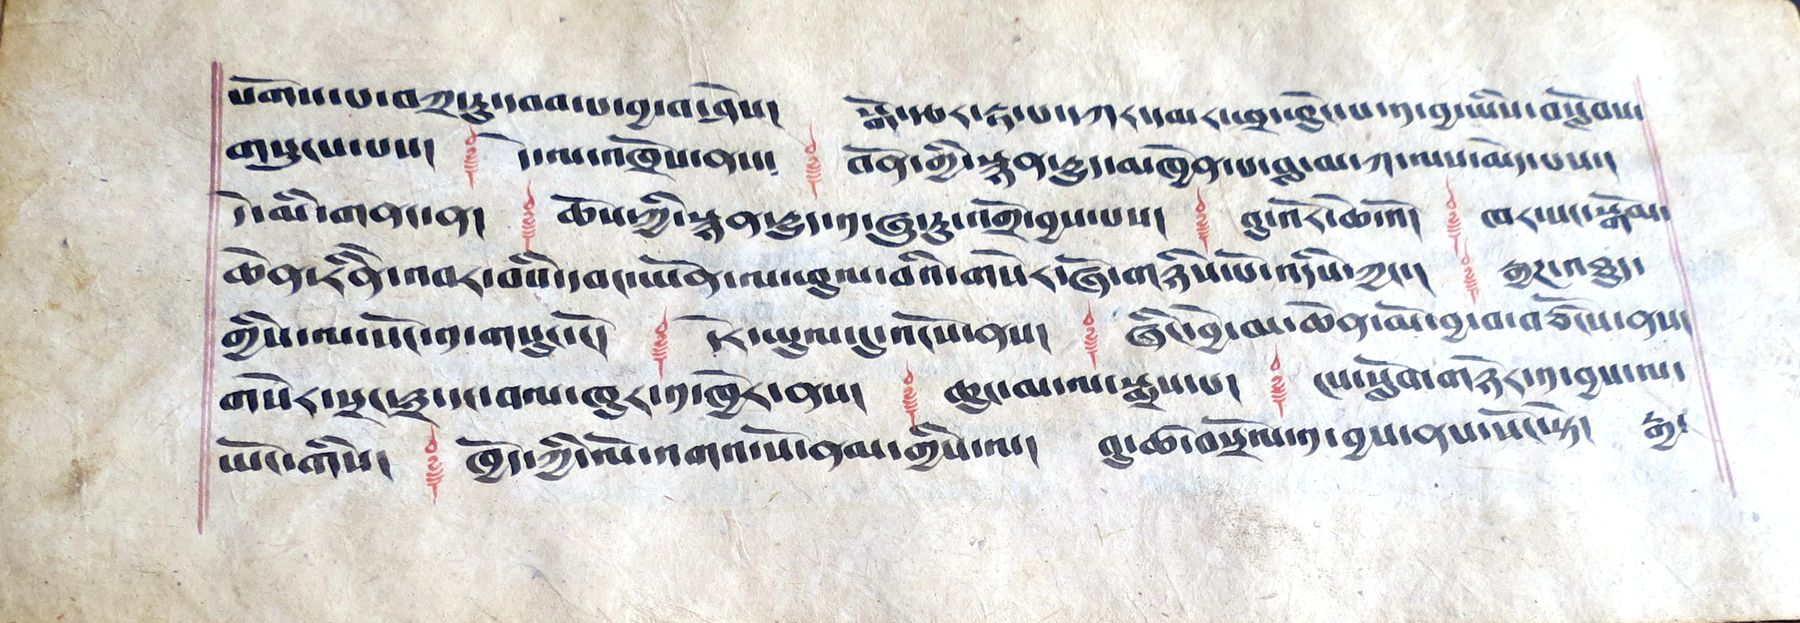སོག་པ་པྲ་རུ་དབབ་པ་ཤེས། སྒོ་རྩ་རྟ་པ་དཀར་དམར་ཁྲ་ཕུང་ངེ་བ་ཞིག་བྱ་ཡིས་སློབ་
གསུངས་པས། དེ་ལ་འཁྲོས་ནས་བོན་གྱི་སྙན་རྒྱུད་མཁྱེན་པ་བླ་མ་ཀ་ལས་མེད་པས། 
དེ་མི་གནང་ན། ཆོས་ཀྱི་སྙན་རྒྱུད་ཅིག་ཞུ་རུ་འགྲོ་བྱས་པས། བུ་འོར་ཆེའོ། ། ཁ་སང་སྒོམ་
ཆེན་རིན་ཆེན་འབར་བས་དབང་ཡོན་ལ་ཕུལ་བའི། གསེར་ཞོ་གཉིས་པོ་འདིས་ཀྱང་། རྒྱག་མཐུད་
གྱིས་ལ་སོང་ཤིག་གསུངས་སོ། ། དེར་ཡུལ་དུ་འོང་ནས་ཞིང་བྱེ་མ་ཆེན་མོ་བྱ་བ་བཙོང་ནས། 
གསེར་སྲང་གསུམ་དང་བལ་ཁུར་ཞིག་ཁྱེར་ནས་ཆུང་མ་ལ་སྨྲས་པ། ངས་སློབ་གཉེར་ཞིག་བྱས་ལ་
ཡོང་གི་ཁྱོད་ཀྱིས་ལོ་འགའ་སོ་ནམ་གྱིས་ལ་བུ་ཚ་སོས་ཤིག་བྱས་ནས་སོང་སྟེ། རྒྱ་